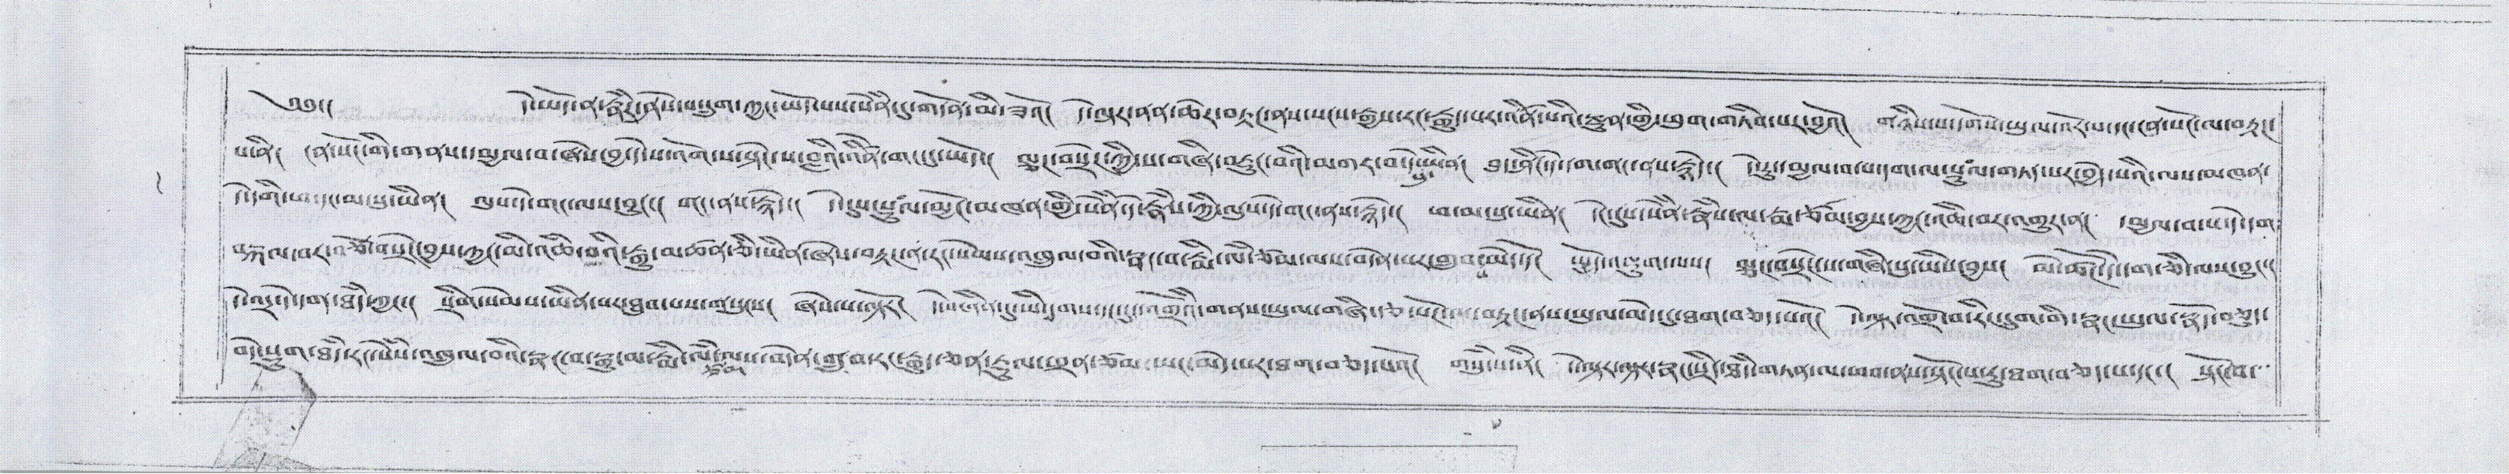དེ་ཡོད་ན་རྣམ་པར་ཤེས་པ་དྲུག་ཀྱང་ཡོད་པས་སེམས་ཅན་དུ་གདོན་མི་ཟའོ། དེ་ལྟར་ནན་ཆེར་བརྟགས་ནས་སངས་རྒྱས་རང་རྒྱུད་པར་འཛིན་པའི་རྫུན་གྱི་ཕུག་གཏིབ་པར་བྱའོ། །གཉིས་པ་དགོས་ཡུལ་འཁོར་བ་དང་ངན་སོང་ལ་བརྟགས་
པ་ནི། ངན་སོང་གི་གནས་དམྱལ་བ་ཞེས་བྱ་བ་དེ་ས་འོག་ས་སྟེང་ས་བླའི་འཇིག་རྟེན་གང་དུ་ཡོད། ལྕགས་བསྲེགས་ཀྱི་ས་གཞི་བརྡུང་བའི་འགར་བ་དེ་སུ་ཡིན། བུད་ཤིང་དེ་དག་གང་ནས་རྙེད། དེ་རུ་དམྱལ་བ་པ་དག་ལ་སྡུག་བསྔལ་གཏད་པར་བྱེད་པའི་ལས་མཁན་
དེ་དག་གི་ཕ་དང་མ་སུ་ཡིན། ལུས་དེ་གང་ལས་བྱུང་། གང་ནས་རྙེད། དེ་དུས་སྡུག་བསྔལ་མྱོང་མཁན་གྱི་སེམས་ཅན་དེ་རྣམས་ཀྱི་ལུས་དེ་གང་ནས་རྙེད། ཕ་མ་སུ་ཡིན། དེང་དུས་སེམས་ཅན་རྣམས་ལ་རྨ་ཙམ་བྱས་ཀྱང་འཆི་བར་འགྱུར་ན། དམྱལ་བ་དེ་དག་
བསྐལ་པར་བཙོ་བསྲེགས་བྱས་ཀྱང་མི་འཆི་བའི་རྒྱུ་མཚན་ཅི་ཡིན། ཞེས་བརྟགས་ན་རང་སེམས་འཁྲུལ་པའི་སྣང་བ་རྨི་ལམ་ཙམ་ལས་བདེན་པར་གྲུབ་པ་མེད་དོ། །སྤྱོད་འཇུག་ལས། ལྕགས་སྲེག་ས་གཞི་སུ་ཡིས་བྱས། །མེ་ཚོགས་དེ་དག་ཅི་ལས་བྱུང་། 
དེ་འདྲ་དེ་དག་ཐམས་ཅད་ཀྱང་། །སྡིག་སེམས་ཡིན་པར་ཐུབ་པས་གསུངས། །ཞེས་པ་ལྟར་རོ། །དེ་བཞིན་དུ་ཡི་དྭགས་དང་དུད་འགྲོའི་གནས་ཡུལ་གཞི་རྩ་སོགས་ལ་བརྟགས་ནས་ཡུལ་མེད་དུ་ཐག་བཅད་པའོ། །དེ་ལྟར་འགྲོ་བ་རིགས་དྲུག་གི་སྣང་ཡུལ་སྣོད་བཅུད་
བདེ་སྡུག་ཐམས་ཅད་རང་སེམས་འཁྲུལ་པའི་སྣང་བ་སྒྱུ་མ་རྨི་ལམ་ཙམ་ལས་བདེན་གྲུབ་རང་རྒྱུད་ཅན་རྡུལ་ཕྲན་ཙམ་ཡང་མེད་པར་ཐག་བཅད་པའོ།། དེ་ལྟར་སྣང་སྲིད་ཐམས་ཅད་གཏན་ལ་ཕབ་ནས་སྟོང་པ་རུ་ཐག་བཅད་པ་དང་། སྟོང་པ་